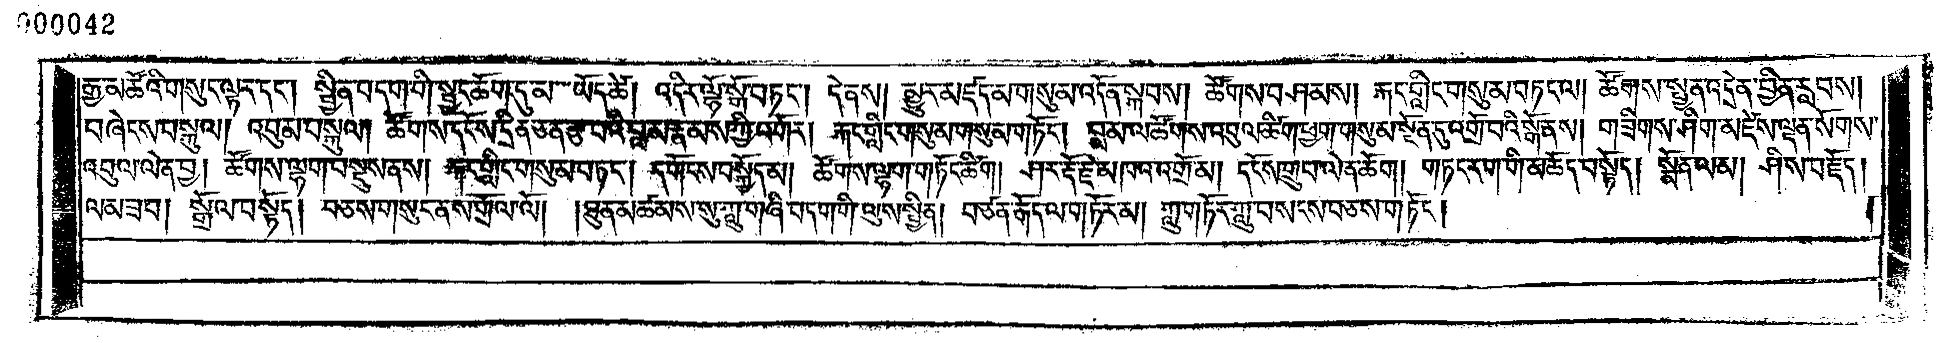རྒྱ་མཚོའི་གསུང་ལྟར་དང་། སྦྱིན་བདག་གི་སྦྱང་ཆོག་དུ་མ་ཡོད་ཚེ། འདིར་ལྷོ་སྒོ་བཏང་། དེ་ནས། མྱུར་མཛད་མ་གསུམ་འདོན་སྐབས། ཚོགས་བཤམས། རྐང་གླིང་གསུམ་བཏང་ལ། ཚོགས་སྤྱན་འདྲེན་བྱིན་རླབས།
བཞེངས་བསྐུལ། འབུམ་བསྐུལ། ཚོགས་དངོས་དྲིན་ཅན་རྩ་བའི་བླ་མ་རྣམས་ཀྱི་འགོར། རྐང་གླིང་གསུམ་གསུམ་གཏོང་། བླ་མ་ལ་ཚོགས་འབུལ་ཚིག་ཕྱག་གསུམ་སྔོན་དུ་འགྲོ་བའི་སྒོ་ནས། གཟིགས་ཤིག་མཛེས་ལྡན་སོགས་
འབུལ་ལེན་བྱ། ཚོགས་ལྷག་བསྡུས་ནས། རྐང་གླིང་གསུམ་བཏང་། དགོངས་བསྐྱོད་མ། ཚོགས་ལྷག་གཏོང་ཚིག །ཤར་རྡོ་རྗེ་མཁའ་འགྲོ་མ། དངོས་གྲུབ་ལེན་ཆོག །གཏང་རག་གི་མཆོད་བསྟོད། སྨོན་ལམ། ཤིས་བརྗོད།
ལམ་ཟབ། སྒྲོལ་བསྟོད། བཅས་གསུང་ནས་གྲོལ་ལོ། །ཐུན་མཚམས་སུ་ཀླུ་གཞི་བདག་གི་ལུས་སྦྱིན། བཙན་རྒོད་ལ་གཏོར་མ། ཀླུ་གཏོར་ཀླུ་བསངས་བཅས་གཏོང་།